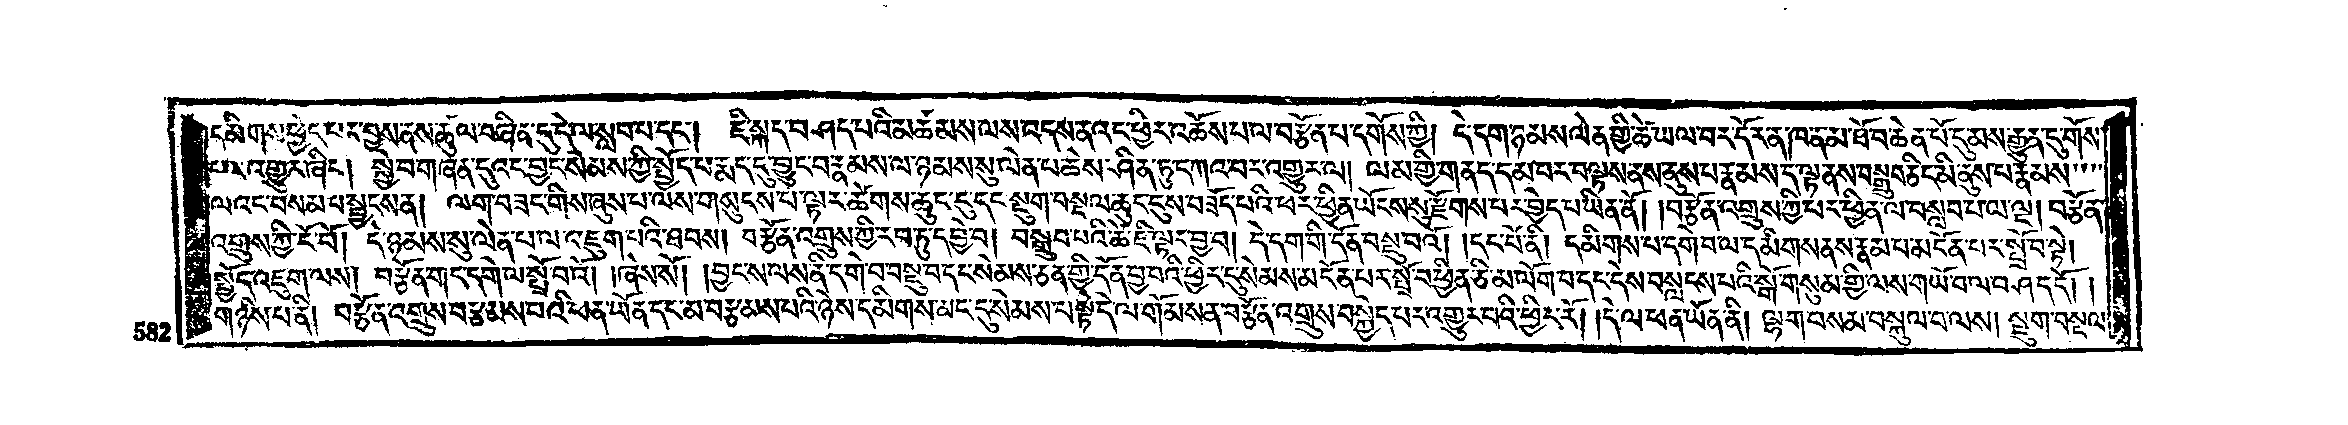དམིགས་ཕྱེད་པར་བྱས་ནས་ཚུལ་བཞིན་དུ་དེ་ལ་སློབ་པ་དང་། ཇི་སྐད་བཤད་པའི་མཚམས་ལས་འདས་ནའང་ཕྱིར་འཆོས་པ་ལ་བརྩོན་པ་དགོས་ཀྱི། དེ་དག་ཉམས་ལེན་གྱི་ཚེ་ཡལ་བར་དོར་ན་ཁ་ན་མ་ཐོ་བ་ཆེན་པོ་དུ་མས་རྒྱུན་དུ་གོས་
པར་འགྱུར་ཞིང་། སྐྱེ་བ་གཞན་དུའང་བྱང་སེམས་ཀྱི་སྤྱོད་པ་རྨད་དུ་བྱུང་བ་རྣམས་ལ་ཉམས་སུ་ལེན་པ་ཆེས་ཤིན་ཏུ་དཀའ་བར་འགྱུར་ལ། ལམ་གྱི་གནད་དམ་པར་བལྟས་ནས་ནུས་པ་རྣམས་ད་ལྟ་ནས་བསྒྲུབ་ཅིང་མི་ནུས་པ་རྣམས་
ལའང་བསམ་པ་སྦྱངས་ན། ལག་བཟང་གིས་ཞུས་པ་ལས་གསུངས་པ་ལྟར་ཚེགས་ཆུང་ངུ་དང་སྡུག་བསྔལ་ཚུང་ངུས་བཟོད་པའི་ཕར་ཕྱིན་ཡོངས་སུ་རྫོགས་པར་བྱེད་པ་ཡིན་ནོ། །བརྩོན་འགྲུས་ཀྱི་ཕར་ཕྱིན་ལ་བསླབ་པ་ལ་ལྔ། བརྩོན་
འགྲུས་ཀྱི་ངོ་བོ། དེ་ཉམས་སུ་ལེན་པ་ལ་འཇུག་པའི་ཐབས། བརྩོན་འགྲུས་ཀྱི་རབ་ཏུ་དབྱེ་བ། བསྒྲུབ་པའི་ཚེ་ཇི་ལྟར་བྱ་བ། དེ་དག་གི་དོན་བསྡུ་བའོ། །དང་པོ་ནི། དམིགས་པ་དགེ་བ་ལ་དམིགས་ནས་རྣམ་པ་མངོན་པར་སྤྲོ་བ་སྟེ།
སྤྱོད་འཇུག་ལས། བརྩོན་གང་དགེ་ལ་སྤྲོ་བ་འོ། །ཞེས་སོ། །བྱང་ས་ལས་ནི་དགེ་བ་བསྡུ་བ་དང་སེམས་ཅན་གྱི་དོན་བྱ་བའི་ཕྱིར་དུ་སེམས་མངོན་པར་སྤྲོ་བ་ཕྱིན་ཅི་མ་ལོག་པ་དང་དེས་བསླངས་པའི་སྒོ་གསུམ་གྱི་ལས་གཡོ་བ་ལ་བཤད་དོ། །
གཉིས་པ་ནི། བརྩོན་འགྲུས་བརྩམས་པའི་ཕན་ཡོན་དང་མ་བརྩམས་པའི་ཉེས་དམིགས་མང་དུ་སེམས་པ་སྟེ་དེ་ལ་གོམས་ན་བརྩོན་འགྲུས་བསྐྱེད་པར་འགྱུར་བའི་ཕྱིར་རོ། །དེ་ལ་ཕན་ཡོན་ནི། ལྷག་བསམ་བསྐུལ་བ་ལས། སྡུག་བསྔལ་